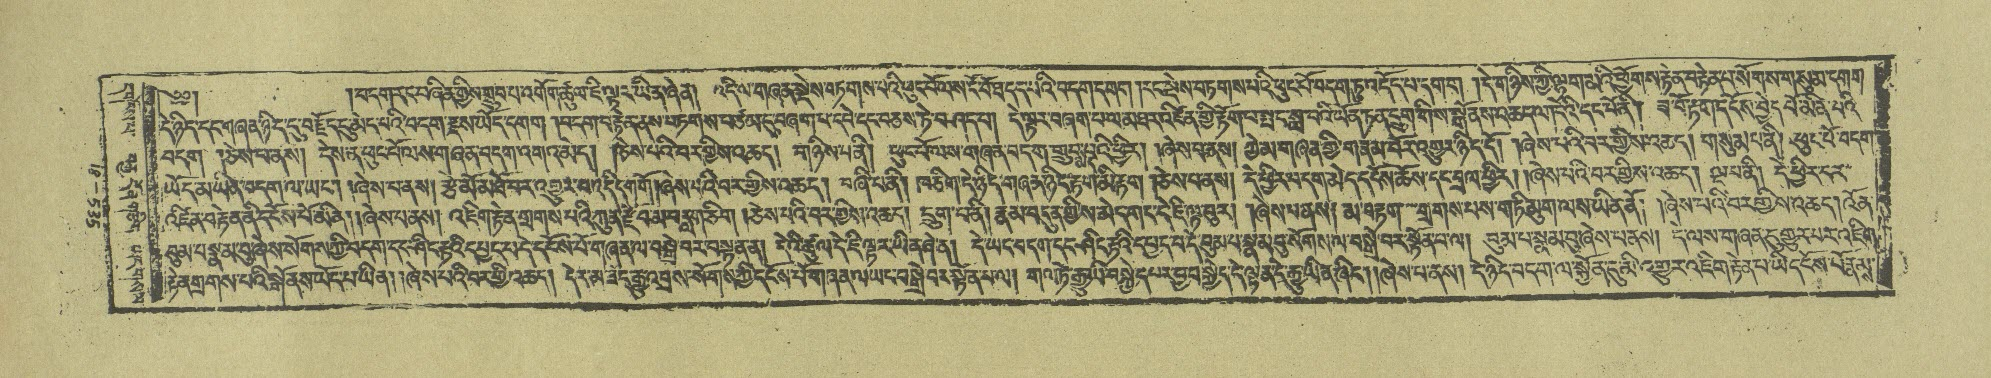༄༅། །བདག་རང་བཞིན་གྱིས་གྲུབ་པ་འགོག་ཚུལ་ཇི་ལྟར་ཡིན་ཞེ་ན། འདི་ལ་གཞན་སྡེས་བཏགས་པའི་ཕུང་པོ་ལས་ངོ་བོ་ཐ་དད་པའི་བདག་དགག །རང་སྡེས་བཏགས་པའི་ཕུང་པོ་བདག་ཏུ་འདོད་པ་དགག །དེ་གཉིས་ཀྱི་ལྷག་མའི་ཕྱོགས་རྟེན་བརྟེན་པ་སོགས་གསུམ་དགག །
དེ་ཉིད་དང་གཞན་ཉིད་དུ་བརྗོད་དུ་མེད་པའི་བདག་རྫས་ཡོད་དགག །བདག་བརྟེན་ནས་བཏགས་པ་ཙམ་དུ་བཞག་པ་དཔེ་དང་བཅས་ཏེ་བཤད་པ། དེ་ལྟར་བཞག་པ་ལ་མཐར་འཛིན་གྱི་རྟོག་པ་སྤང་སླ་བའི་ཡོན་ཏན་དྲུག་གིས་སྒོ་ནས་འཆད་ལ། དེའི་དང་པོ་ནི། ཟ་བོ་རྟག་དངོས་བྱེད་པོ་མིན་པའི་
བདག །ཅེས་པ་ནས། དེས་ན་ཕུང་པོ་ལས་གཞན་བདག་འགའ་མེད། །ཅེས་པའི་བར་གྱིས་འཆད། གཉིས་པ་ནི། ཕུང་པོ་ལས་གཞན་བདག་གྲུབ་པའི་ཕྱིར། །ཞེས་པ་ནས། ཀྱེ་མ་གཞན་གྱི་གནམ་པོར་འགྱུར་ཉིད་དོ། །ཞེས་པའི་བར་གྱིས་འཆད། གསུམ་པ་ནི། ཕུང་པོ་བདག་
ཡོད་མ་ཡིན་བདག་ལ་ཡང་། །ཞེས་པ་ནས། རྩེ་མོ་མཐོ་བར་འགྱུར་བ་འདི་དག་གོ །ཞེས་པའི་བར་གྱིས་འཆད། བཞི་པ་ནི། ཁ་ཅིག་དེ་ཉིད་གཞན་ཉིད་རྟག་མི་རྟག །ཅེས་པ་ནས། དེ་ཕྱིར་བདག་མེད་དངོས་ཆོས་དང་བྲལ་ཕྱིར། །ཞེས་པའི་བར་གྱིས་འཆད། ལྔ་པ་ནི། དེ་ཕྱིར་ངར་
འཛིན་བརྟེན་ནི་དངོས་པོ་མིན། །ཞེས་པ་ནས། འཇིག་རྟེན་གྲགས་པའི་ཀུན་རྫོབ་མ་བརླག་ཅིག །ཅེས་པའི་བར་གྱིས་འཆད། དྲུག་པ་ནི། རྣམ་བདུན་གྱིས་མེད་གང་དེ་ཇི་ལྟ་བུར། །ཞེས་པ་ནས། མ་བརྟག་གྲགས་པས་གཏི་མུག་ལས་ཡིན་ནོ། །ཞེས་པའི་བར་གྱིས་འཆད། འོ་ན་
བུམ་པ་སྣམ་བུ་ཞེས་སོགས་ཀྱི་བདག་དང་ཤིང་རྟའི་དཔྱད་པ་དེ་དངོས་པོ་གཞན་ལ་བསྒྲེ་བར་བསྟན་ན། དེའི་ཚུལ་དེ་ཇི་ལྟར་ཡིན་ཞེ་ན། དེ་ཡང་བདག་དང་ཤིང་རྟའི་དཔྱད་པ་དེ་བུམ་པ་སྣམ་བུ་སོགས་ལ་བསྒྲེ་བར་སྟོན་པ་ལ། བུམ་པ་སྣམ་བུ་ཞེས་པ་ནས། དེ་ལས་གཞན་དུ་གྱུར་པར་འཇིག་
རྟེན་གྲགས་པའི་སྒོ་ནས་ཡོད་པ་ཡིན། །ཞེས་པའི་བར་གྱི་འཆད། དེར་མ་ཟད་རྒྱུ་འབྲས་སོགས་ཀྱི་དངོས་པོ་གཞན་ལ་ཡང་བསྒྲེ་བར་སྟོན་པ་ལ། གལ་ཏེ་རྒྱུ་ཡི་བསྐྱེད་པར་བྱ་བ་སྐྱེད་དེ་ལྟ་ན་དེ་རྒྱུ་ཡིན་ཞིང་། །ཞེས་པ་ནས། དེ་ཉིད་བདག་ལ་སྐྱོན་དུ་མི་འགྱུར་འཇིག་རྟེན་པ་ཡི་དངོས་པོ་རྣམས་